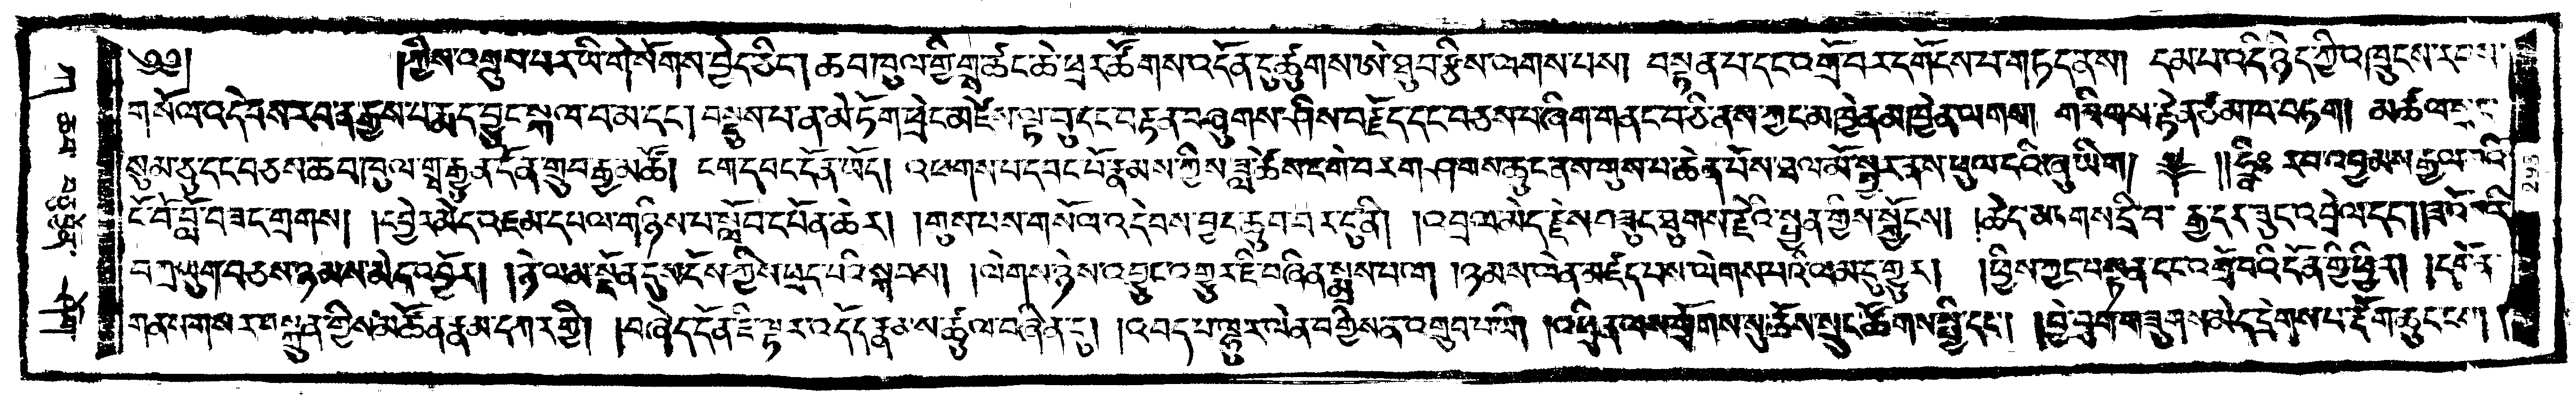༄༅། །ཀྱིས་འགྲུབ་པར་ཡི་གེ་སོགས་བྱེད་ཅིང་། ཆབ་ཁུལ་གྱི་གྲྭ་ཚང་ཆེ་ཕྲར་ཚོགས་འདོད་དུ་ཚུགས་ཨེ་ཐུབ་རྩིས་ལགས་པས། བསྟན་པ་དང་འགོར་བར་དགོངས་པ་གཏད་ནས། དམ་པའི་ཉེད་ཀྱི་འཁྲུངས་རབས་
གསོལ་འདེབས་རབ་ན་རྒྱས་པ་རྨད་བྱུང་སྐལ་བ་མ་དང་། བསྡུས་པ་ན་མེ་ཏོག་ཕྲེང་མཛེས་ལྟ་བུ་དང་བརྟན་བཞུགས་ཤིང་བརྗོད་དང་བཅས་བཞིག་གནང་བ་ཅི་ནས་ཀྱང་མཁྱེན་མཁྱེན་ལགས། དམིགས་རྟེན་ཙམ་ཁ་བཏག། མཚལ་སྐད?
སུམ་ཅུ་དང་བཅས་ཆབ་ཁུལ་གྲྭ་རྒྱུན་དོན་གྲུབ་རྒྱ་མཚོ། ངག་དབང་དོན་ཡོན། འཕགས་པ་དབང་པོ་རྣམས་ཀྱིས་ཟླ་ཚེས་དགེ་བར་གཤགས་ཆུང་ནས་གུས་པ་ཆེན་པོས་ཐལ་མོ་སྦྱར་ནས་ཕུལ་དའི་ཞུ་ཡིག ། ༈།།ཧྲཱིཿ རབ་འབྱམས་རྒྱལ་བའི་
ངོ་བོ་བློ་བཟང་གྲགས། །དབྱེར་མེད་འཇམ་དཔལ་གཉིས་པ་སློབ་དཔོན་ཆེར། ། གུས་པས་གསོལ་འདེབས་བྱང་ཆུབ་བར་དུ་ནི། །འབྲལ་མེད་རྗེས་བཟུང་ཐུགས་རྗེ་སྤྱན་གྱིས་སྐྱོངས། །ཆེད་མདགས་དྲི་བ་རྒྱ་དར་ཟུང་འབྲེལ་དང་། ཟའོ་རི?
བཀྲ་ཡུག་བཅས་ཉམས་མེད་འབྱོར། །ཉེ་ལམ་སྔོན་དུས་ངོས་ཀྱིས་ཕྲད་པའི་སྐབས། །ལེག་པ་ཉེས་འབྱུང་འགྱུར་ཇི་བཞིན་སྨྲས་པ། ག །ཉམས་ལེན་མཛད་པས་ལེགས་པའི་ལམ་དུ་གྱུར། །ཕྱིས་ཀྱང་བསྟན་དང་འགྲོ་བའི་དོན་གྱི་ཕྱིར། །དགོན་
གནས་གསར་བསྐྲུན་གྱིས་མཚོན་རྣམ་དཀར་གྱི། །བཞེད་དོན་ཇི་ལྟར་འདོད་རྣམས་ཚུལ་བཞིན་དུ། འབད་པ་ལྷར་ལེན་བགྱིས་ན་འགྲུབ་པ་ཡི། །འཕྲིན་ལས་གྲོགས་སུ་ཆོས་སྲུང་ཚོགས་སྤྱི་དང་། །བྱེ་བྲག་གཟུགས་མེད་དྲེགས་པ་རྡོག་ཆུང་ངག?།